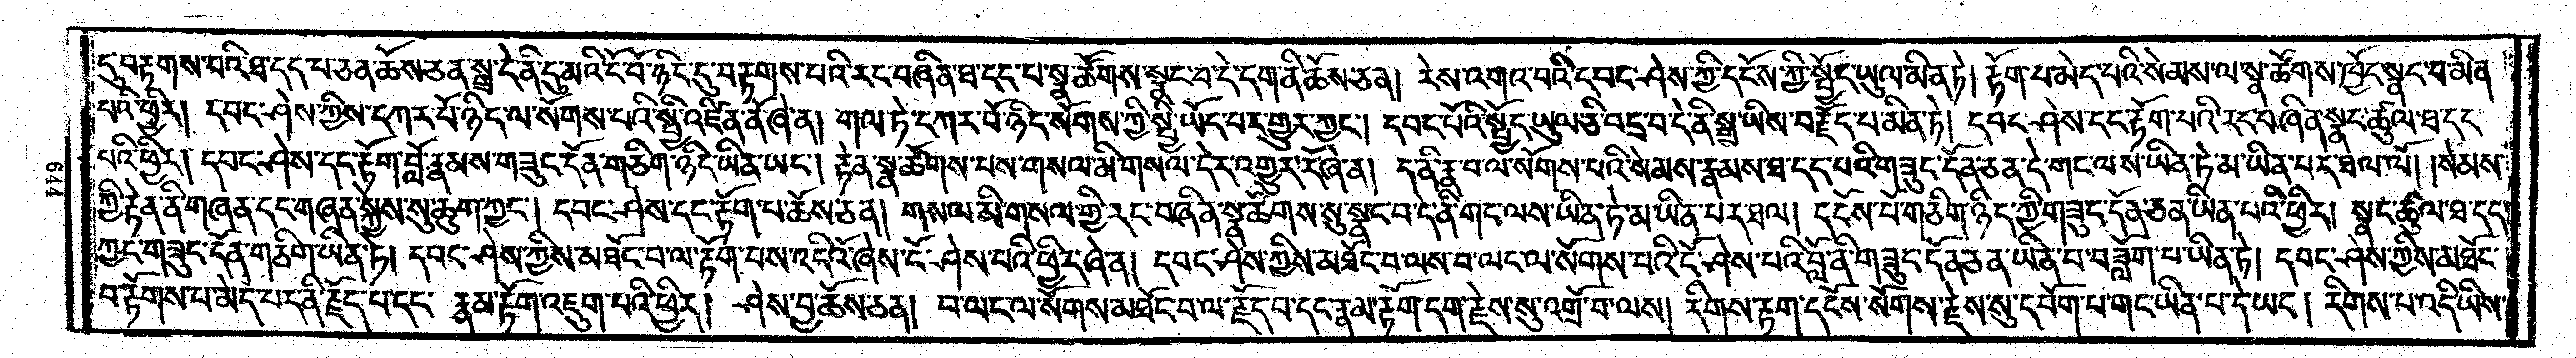དུ་བརྟགས་བའི་ཐ་དད་པ་ཅན་ཆོས་ཅན་སྒྲ་དེ་ནི་དུ་མའི་ངོ་བོ་ཉིད་དུ་བརྟགས་པའི་རང་བཞིན་ཐ་དད་པ་སྣ་ཚོགས་སྣང་བ་དེ་དག་ནི་ཆོས་ཅན། རེས་འགའ་བའི་དབང་ཤེས་ཀྱི་དངོས་ཀྱི་སྦྱོད་ཡུལ་མིན་ཏེ། རྟོག་པ་མེད་པའི་སེམས་ལ་སྣ་ཚོགས་ཁྱོད་སྣང་བ་མིན་
པའི་ཕྱིར། དབང་ཤེས་ཀྱིས་དཀར་པོ་ཉིད་ལ་སོགས་པའི་སྤྱི་འཛིན་ནོ་ཞེ་ན། གལ་ཏེ་དཀར་བོ་ཉིད་སོགས་ཀྱི་སྤྱི་ཡོད་པར་གྱུར་ཀྱང་། དབང་པོའི་སྤྱོད་ཡུལ་ཅི་བདྲ་བ་དེ་ནི་སྒྲ་ཡིས་བརྗོད་པ་མིན་ཏེ། དབང་ཤེས་དང་རྟོག་པའི་རང་བཞིན་སྣང་ཚུལ་ཐ་དང་
པའི་ཕྱིར། དབང་ཤེས་དང་རྟོག་བློ་རྣམས་གཟུང་དོན་གཅིག་ཉིད་ཡིན་ཡང་། རྟེན་སྣ་ཚོགས་པས་གསལ་མི་གསལ་དེར་འགྱུར་རོ་ཞེ་ན། ད་ནི་རྣ་བ་ལ་སོགས་པའི་སེམས་རྣམས་ཐ་དད་པའི་གཟུང་དོན་ཅན་དེ་གང་ལས་ཡིན་ཏེ་མ་ཡིན་པར་ཐལ་ལོ། །སེམས་
ཀྱི་རྟེན་ནི་གཞན་དང་གཞན་སྐྱེས་སུ་ཆུག་ཀྱང་། དབང་ཤེས་དང་རྟོག་པ་ཆོས་ཅན། གསལ་མི་གསལ་གྱི་རང་བཞིན་སྣ་ཚོགས་སུ་སྣང་བ་དེ་ནི་གང་ལས་ཡིན་ཏེ་མ་ཡིན་པར་ཐལ། དངོས་པོ་གཅིག་ཉིད་ཀྱི་གཟུང་དོན་ཅན་ཡིན་པའི་ཕྱིར། སྣང་ཚུལ་ཐ་དད་
ཀྱང་གཟུང་དོན་གཅིག་ཡིན་ཏེ། དབང་ཤེས་ཀྱིས་མཐོང་བ་ལ་རྟོག་པས་འདིའོ་ཞེས་ངོ་ཤེས་པའི་ཕྱིར་ཞེ་ན། དབང་ཤེས་ཀྱིས་མཐོང་བ་ལས་བ་ལང་ལ་སོགས་པའི་ངོ་ཤེས་པའི་བློ་ནི་གཟུང་དོན་ཅན་ཡིན་པ་བཟློག་པ་ཡིན་ཏེ། དབང་ཤེས་ཀྱིས་མཐོང་
བ་རྟོགས་པ་མེད་པར་ནི་རྗོད་པ་དང་རྣམ་རྟོག་འཇུག་པའི་ཕྱིར། ཤེས་བྱ་ཆོས་ཅན། བ་ལང་ལ་སོགས་མཐོང་བ་ལ་རྗོད་པ་དང་རྣམ་རྟོག་དག་རྗེས་སུ་འགྲོ་བ་ལས། རིགས་རྟག་དངོས་སོགས་རྗེས་སུ་དཔོག་པ་གང་ཡིན་པ་དེ་ཡང་། རིགས་པ་འདི་ཡིས་